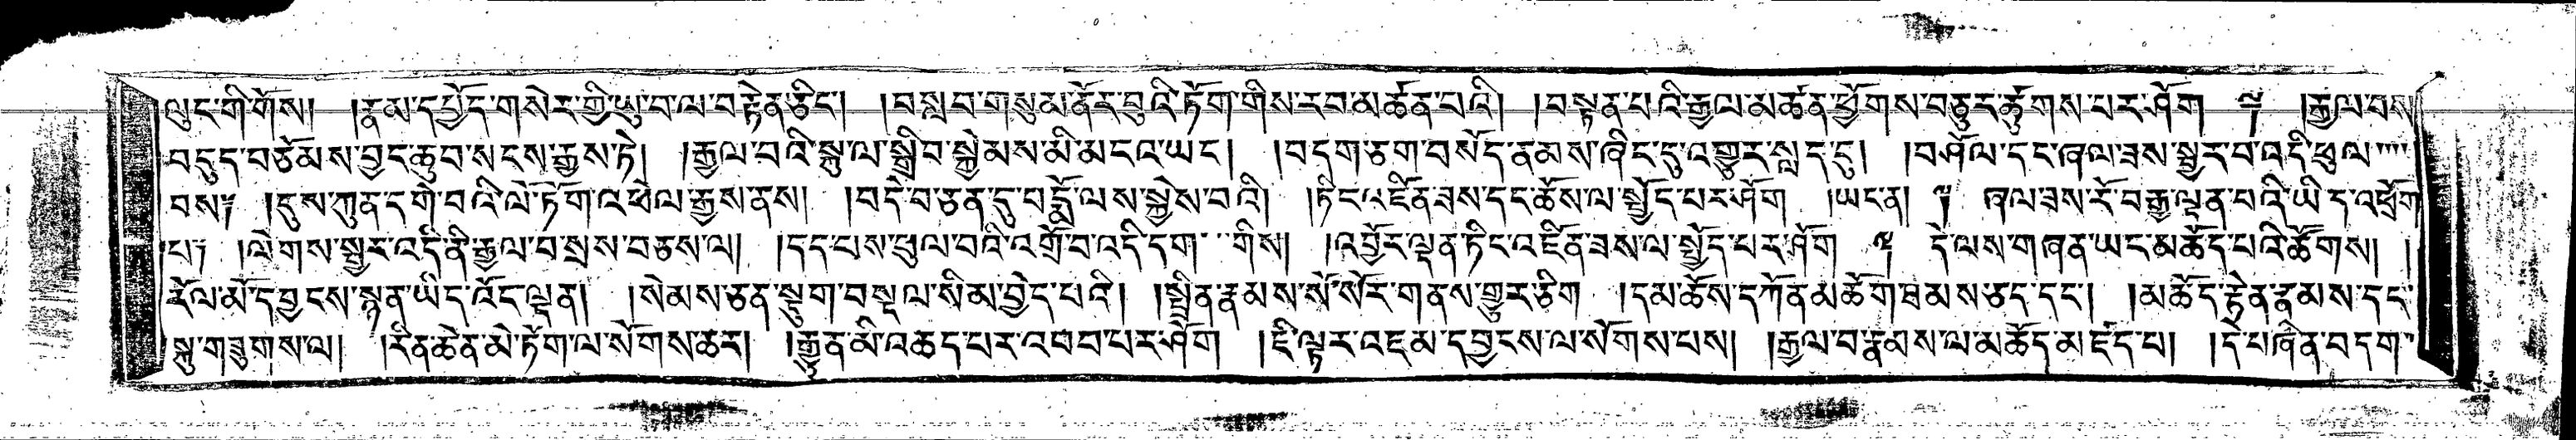ལུང་གི་གོས། །རྣམ་དཔྱོད་གསེར་གྱི་ཡུ་བ་ལ་བརྟེན་ཅིང་། །བསླབ་གསུམ་ནོར་བུའི་ཏོག་གིས་རབ་མཚན་པའི། །བསྟན་པའི་རྒྱལ་མཚན་ཕྱོགས་བཅུར་ཚུགས་པར་ཤོག ༈ །རྒྱལ་བས་
བདུད་བཅོམས་བྱང་ཆུབ་སངས་རྒྱས་ཏེ། །རྒྱལ་བའི་སྐུ་ལ་སྒྲིབ་སྐྱེམས་མི་མངའ་ཡང་། །བདག་ཅག་བསོད་ནམས་ཞིང་དུ་འགྱུར་སླད་དུ། །བཤོལ་དང་ཞལ་ཟས་སྦྱར་བ་འདི་ཕུལ་
བས༑ །དུས་ཀུན་དགེ་བའི་ལོ་ཏོག་འཕེལ་རྒྱས་ནས། །བདེ་བ་ཅན་དུ་པདམོ་ལས་སྐྱེས་བའི། །ཏིང་འཛིན་ཟས་དང་ཆོས་ལ་སྤྱོད་པར་ཤོག །ཡང་ན། ༈ ཞལ་ཟས་རོ་བརྒྱ་ལྡན་པའི་ཡིད་འཕྲོག་
པ༑ །ལེགས་སྦྱར་འདི་ནི་རྒྱལ་བ་སྲས་བཅས་ལ། །དད་པས་ཕུལ་བའི་འགྲོ་བ་འདི་དག་གིས། །འབྱོར་ལྡན་ཏིང་འཛིན་ཟས་ལ་སྤྱོད་པར་ཤོག ༈ དེ་ལས་གཞན་ཡང་མཆོད་པའི་ཚོགས། །
རོལ་མོ་དབྱངས་སྙན་ཡིད་འོང་ལྡན། །སེམས་ཅན་སྡུག་བསྔལ་སིམ་བྱེད་པའི། །སྤྲིན་རྣམས་སོ་སོར་གནས་གྱུར་ཅིག །དམ་ཆོས་དཀོན་མཆོག་ཐམས་ཅད་དང་། །མཆོད་རྟེན་རྣམས་དང་
སྐུ་གཟུགས་ལ། །རིན་ཆེན་མེ་ཏོག་ལ་སོགས་ཆར། །རྒྱུན་མི་འཆད་པར་འབབ་པར་ཤོག །ཇི་ལྟར་འཇམ་དབྱངས་ལ་སོགས་པས། །རྒྱལ་བ་རྣམས་ལ་མཆོད་མཛད་པ། །དེ་བཞིན་བདག་